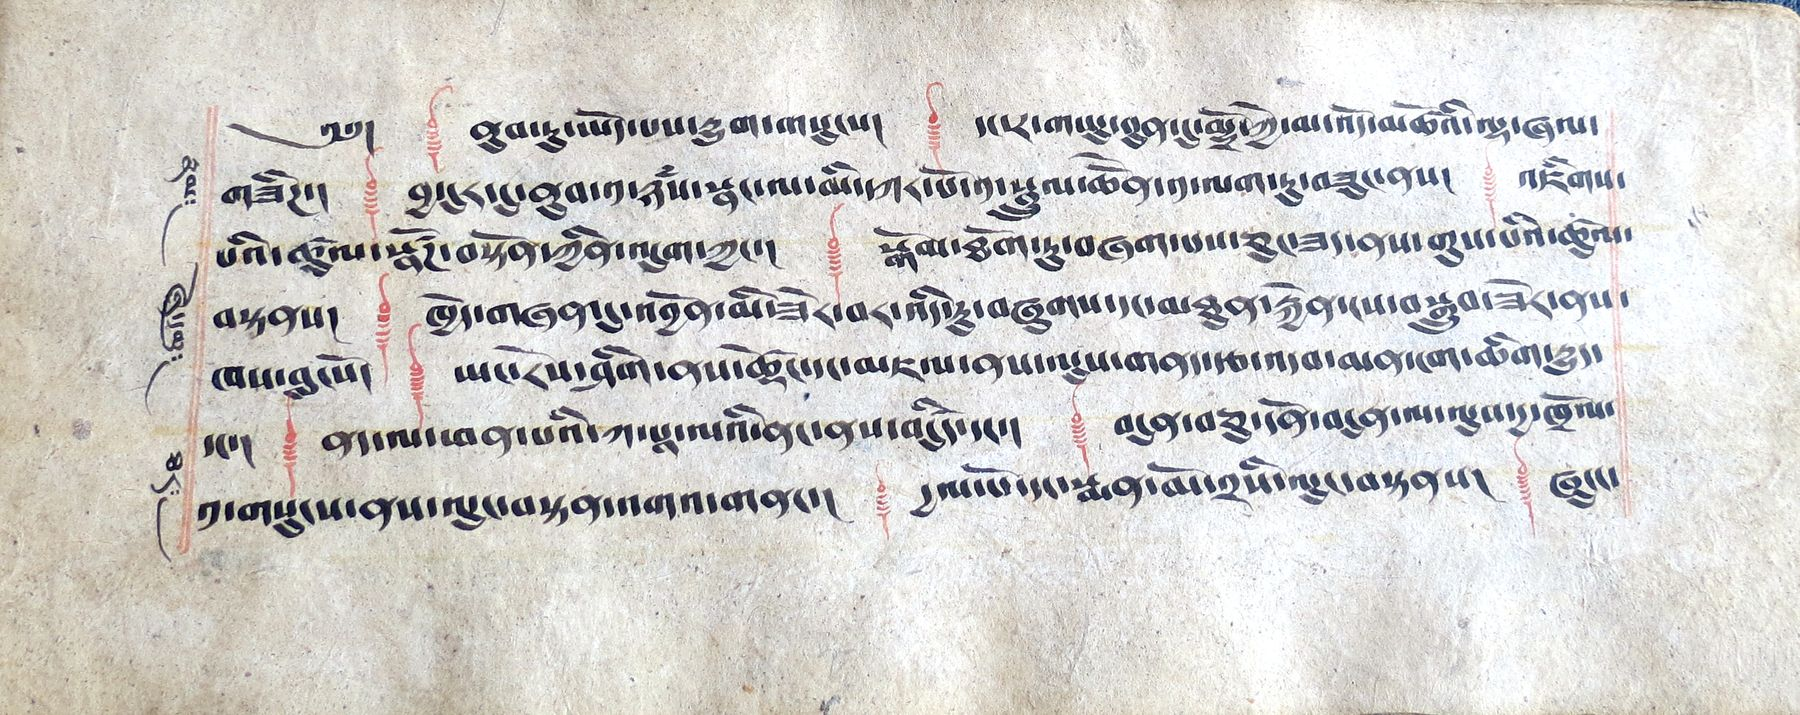ནུབ་ཏུ་ཡོད་པས་རྒྱུག་གསུངས། དང་ར་གཡུ་བུན་དུ་མཁའ་འགྲོ་ཀྱེ་མ་འོད་མཚོའི་ལྷ་ཞལ་
གཟིགས། བྱ་དུར་དུ་ནུབ་ཅིག་ཉམས་སྣང་ལ་མི་དཀར་པོ་ཅིག་སྦྲུལ་ཆེན་པོ་ཞིག་ལག་ཏུ་བཟུང་ནས་འཇིགས་
པའི་ཚུལ་སྣ་ཚོགས་སྟོན་ཀྱིན་འདུག་ཀྱང་། སྒོམ་ཐོག་ཏུ་བཞག་པས་ཅུང་ཟད་ནས་གུས་པའི་ཚུལ་
བསྟན་ནས། ཁྱོད་གཞན་དུ་འབྱོན་མི་ཟེར་བར་འདི་རུ་བཞུགས་དང་མཐུན་རྐྱེན་ངས་བསྒྲུབ་ཟེར་ནས་
ཁས་བླངས་སོ། ། ཡང་རེས་ཤིག་ནས་ཚེ་དབང་དང་མཇལ་ནས་ལུས་གནད་རྩ་འདབ་མན་ངག་ཆིག་རྒྱུད་
དང་། ནད་ལ་ཕན་པའི་ཀ་པཱ་ལའི་ནང་ནས་བདུད་རྩི་དང་། བདུན་ཅུ་དོན་བདུན་ལ་ལུས་རྒྱ་ཁྲོལ་
ཅིག་གསུངས་ནས་ལུང་བསྟན་འགའ་གནང་། རྒྱལ་པོ་དང་སྨན་མོ་གཉིས་ལུང་བསྟན་ནས། ཞང་ཞུང་